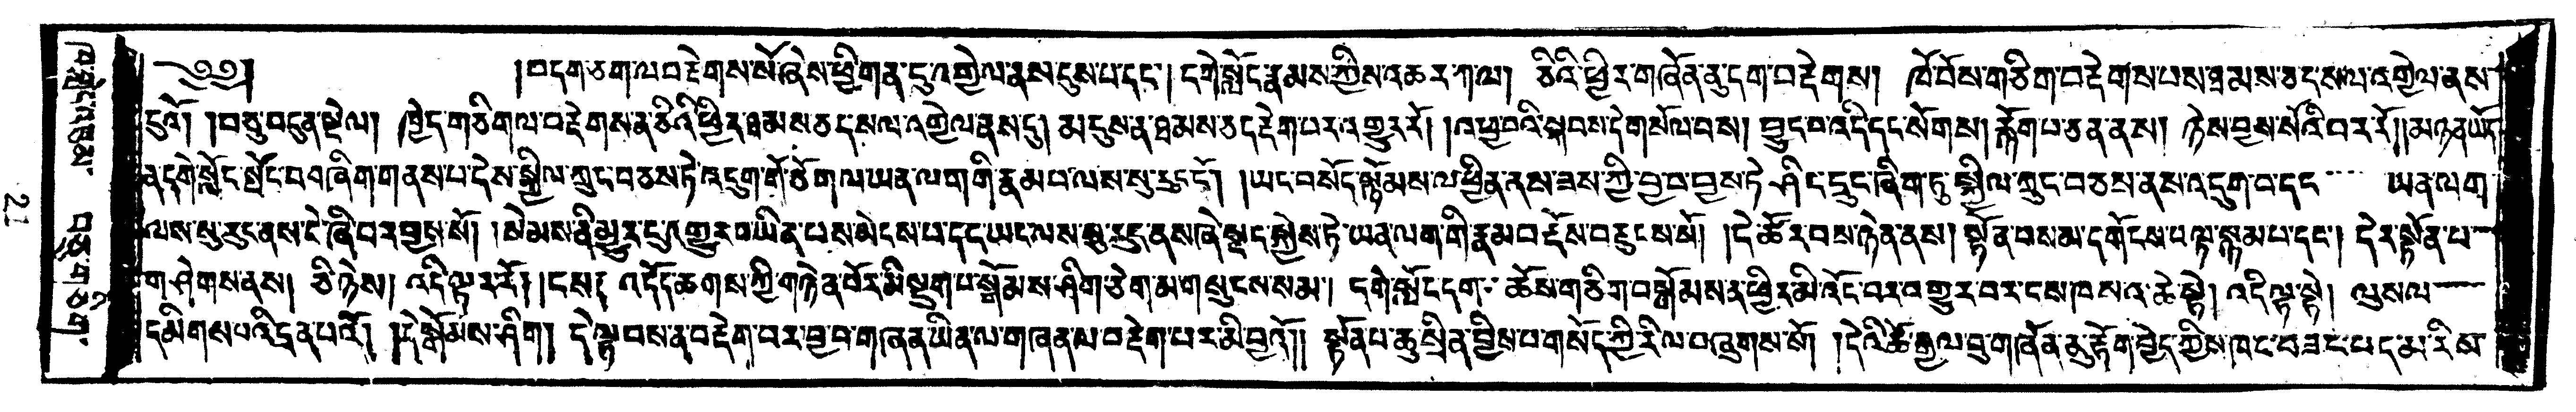༄༅། །བདག་ཅག་ལ་བརྡེགས་སོ་ཞེས་ཕྱི་གན་དུ་འགྱེལ་ནས་ངུས་པ་དང་། དགེ་སློང་རྣམས་ཀྱིས་འཆར་ཀ་ལ། ཅིའི་ཕྱིར་གཞོན་ནུ་དག་བརྡེགས། ཁོ་བོས་གཅིག་བརྡེགས་པས་ཐམས་ཅད་ས་ལ་འགྱེལ་ནས་
དུའོ། །བཅུ་བདུན་སྡེ་ལ། ཁྱེད་གཅིག་ལ་བརྡེགས་ན་ཅིའི་ཕྱིར་ཐམས་ཅད་སལ་འགྱེལ་ནས་དུ། མདུས་ན་ཐམས་ཅད་རྡེག་པར་འགྱུར་རོ། །འཕྱ་བའི་སྐབས་དེ་གསོལ་བས། བྱུང་བ་འདི་དང་སོགས། རྙོག་པ་ཅན་ནས། ཉེས་བྱས་སོའི་བར་རོ། །མཉན་ཡོད་
ན་དགེ་སློང་སྤོང་བ་བཞིག་གནས་པ་དེས་སྐྱིལ་ཀྲུང་བཅས་ཏེ་འདུག་གོ་ཅོག་ལ་ཡན་ལག་གི་རྣམ་པ་ལས་སུ་རུང་ངོ། །ཡང་བསོད་སྙོམས་ལ་ཕྱིན་ནས་ཟས་ཀྱི་བྱ་བ་བྱས་ཏེ་ཤིང་དྲུང་ཞིག་ཏུ་སྐྱིལ་ཀྲུང་བཅས་ནས་འདུག་བ་དང་། ཡན་ལག་
ལས་སུ་རུང་ནས་ངེ་ཞི་བར་བྱས་སོ། །སེམས་ནི་མྱུར་དུ་འགྱུར་བ་ཡིན་པས་མེངས་པ་དང་ཡང་ལས་སུ་རུད་ནས་ཞེ་སྡང་སྐྱེས་ཏེ་ཡན་ལག་གི་རྣམ་བརྡོས་བརྡུངས་སོ། །དེ་ཚོར་བས་ཉེན་ནས། སྟོན་བསམ་དགོངས་པ་ལྟ་སྙམ་པ་དང་། དེར་སྟོན་པ་
གཤེགས་ནས། ཅི་ཉེས། འདི་ལྟར་རོ། །ངས༑ འདོད་ཆགས་ཀྱི་གཉེན་བོར་མི་སྡུག་པ་སྒོམས་ཤིག་ཅེག་མ་གསུངས་སམ། དགེ་སློང་དག༑ ཆོས་གཅིག་བསྒོམས་ན་ཕྱིར་མི་འོང་བར་འགྱུར་བར་ངས་ཁས་འཆེ་སྟེ། འདི་ལྟ་སྟེ། ལུས་ལ་
དམིགས་པའི་དྲན་པའོ། །དེ་སྒོམས་ཤིག། དེ་ལྟ་བས་ན་བརྡེག་པར་བྱ་བ་གཞན་ཡིན་ལ་གཞན་ལ་བརྡེག་པར་མི་བྱའོ།། སྟོན་པ་ཆུ་སྲིན་བྱིས་པ་གསོད་ཀྱི་རིལ་བཞུགས་སོ། །དེའི་ཆོ་རྒྱལ་བུ་གཞོན་ནུ་རྟོག་བྱེད་ཀྱིས་ཁང་བཟང་པད་མ་རིས་